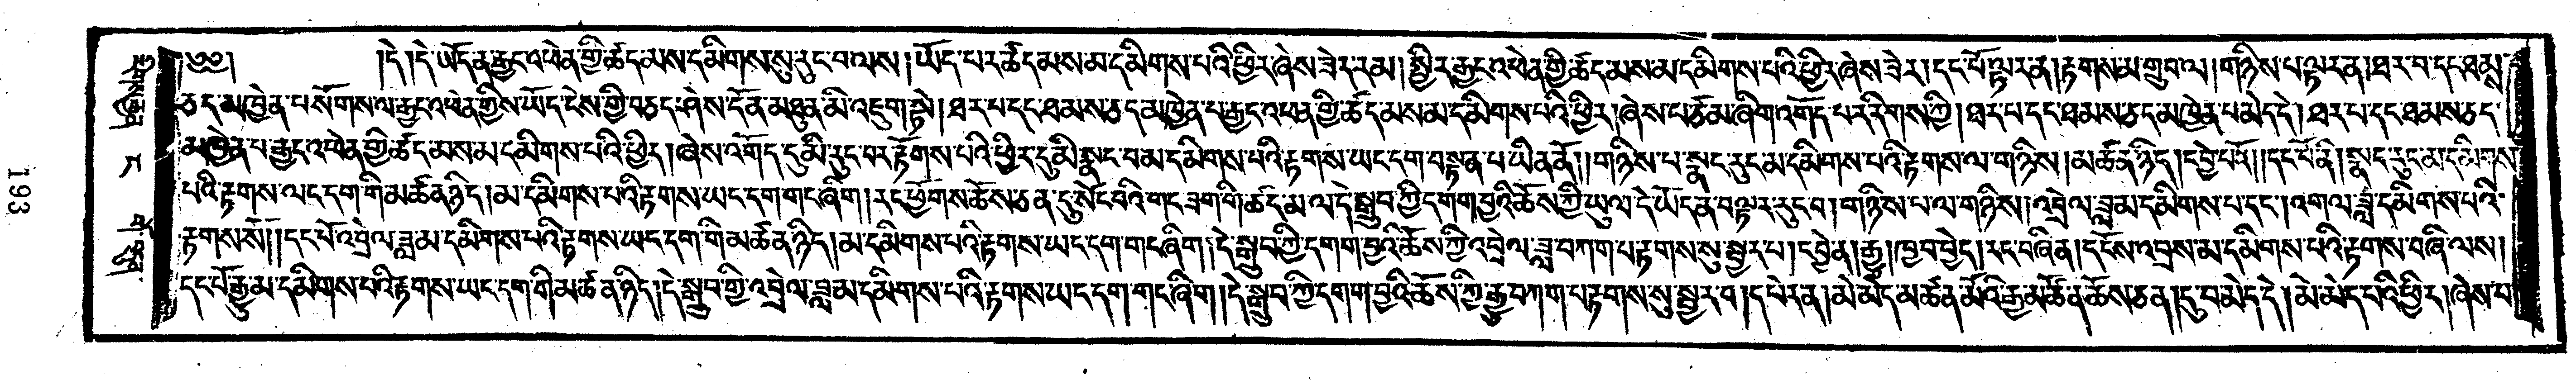༄༅། །དེ༑ དེ་ཡོད་ན་རྒྱང་འཕེན་གྱི་ཚད་མས་དམིགས་སུ་རུང་བ་ལས། ཡོད་པར་ཚད་མས་མ་དམིགས་པའི་ཕྱིར་ཞེས་ཟེར་རམ། སྤྱིར་རྒྱང་འཕེན་གྱི་ཚད་མས་མ་དམིགས་པའི་ཕྱིར་ཞེས་ཟེར། དང་པོ་ལྟར་ན། རྟགས་མ་གྲུབ་ལ། གཉིས་པ་ལྟར་ན། ཐར་པ་དང་ཐམས་
ཅད་མཁྱེན་པ་སོགས་ལ་རྒྱང་འཕེན་གྱིས་ཡོད་ངེས་ཀྱི་བཅད་ཤེས་དོན་མཐུན་མི་འཇུག་སྟེ། ཐར་པ་དང་ཐམས་ཅད་མཁྱེན་པ་རྒྱང་འཕེན་གྱི་ཚད་མས་མ་དམིགས་པའི་ཕྱིར། ཞེས་པ་ཙམ་ཞིག་འགོད་པར་རིགས་ཀྱི། ཐར་པ་དང་ཐམས་ཅད་མཁྱེན་པ་མེད་དེ། ཐར་པ་དང་ཐམས་ཅད་
མཁྱེན་པ་རྒྱང་འཕེན་གྱི་ཚད་མས་མ་དམིགས་པའི་ཕྱིར། ཞེས་འགོད་དུ་མི་རུང་བར་རྟོགས་པའི་ཕྱིར་དུ་མི་སྣང་བ་མ་དམིགས་པའི་རྟགས་ཡང་དག་བསྟན་པ་ཡིན་ནོ། །གཉིས་པ་སྣང་རུང་མ་དམིགས་པའི་རྟགས་ལ་གཉིས། མཚན་ཉིད། དབྱེ་བའོ། །དང་པོ་ནི། སྣང་རུང་མ་དམིགས་
པའི་རྟགས་ཡང་དག་གི་མཚན་ཉིད། མ་དམིགས་པའི་རྟགས་ཡང་དག་གང་ཞིག །རང་ཕྱོགས་ཆོས་ཅན་དུ་སོང་བའི་གང་ཟག་གི་ཚད་མ་ལ་དེ་སྒྲུབ་ཀྱི་དགག་བྱའི་ཆོས་ཀྱི་ཡུལ་དེ་ཡོད་ན་བལྟར་རུང་བ། གཉིས་པ་ལ་གཉིས། འབྲེལ་ཟླ་མ་དམིགས་པ་དང་། འགལ་ཟླ་དམིགས་པའི་
རྟགས་སོ། །དང་པོ་འབྲེལ་ཟླ་མ་དམིགས་པའི་རྟགས་ཡང་དག་གི་མཚན་ཉིད། མ་དམིགས་པའི་རྟགས་ཡང་དག་གང་ཞིག །དེ་སྒྲུབ་ཀྱི་དགག་བྱའི་ཆོས་ཀྱི་འབྲེལ་ཟླ་བཀག་པ་རྟགས་སུ་སྦྱར་བ། དབྱེ་ན། རྒྱུ། ཁྱབ་བྱེད། རང་བཞིན། དངོས་འབྲས་མ་དམིགས་པའི་རྟགས་བཞི་ལས།
དང་པོ་རྒྱུ་མ་དམིགས་པའི་རྟགས་ཡང་དག་གི་མཚན་ཉིད། དེ་སྒྲུབ་ཀྱི་འབྲེལ་ཟླ་མ་དམིགས་པའི་རྟགས་ཡང་དག་གང་ཞིག །དེ་སྒྲུབ་ཀྱི་དགག་བྱའི་ཆོས་ཀྱི་རྒྱུ་བཀག་པ་རྟགས་སུ་སྦྱར་བ། དཔེར་ན། མེ་མེད་མཚན་མོའི་རྒྱ་མཚོ་ན་ཆོས་ཅན། དུ་བ་མེད་དེ། མེ་མེད་པའི་ཕྱིར། ཞེས་པ་